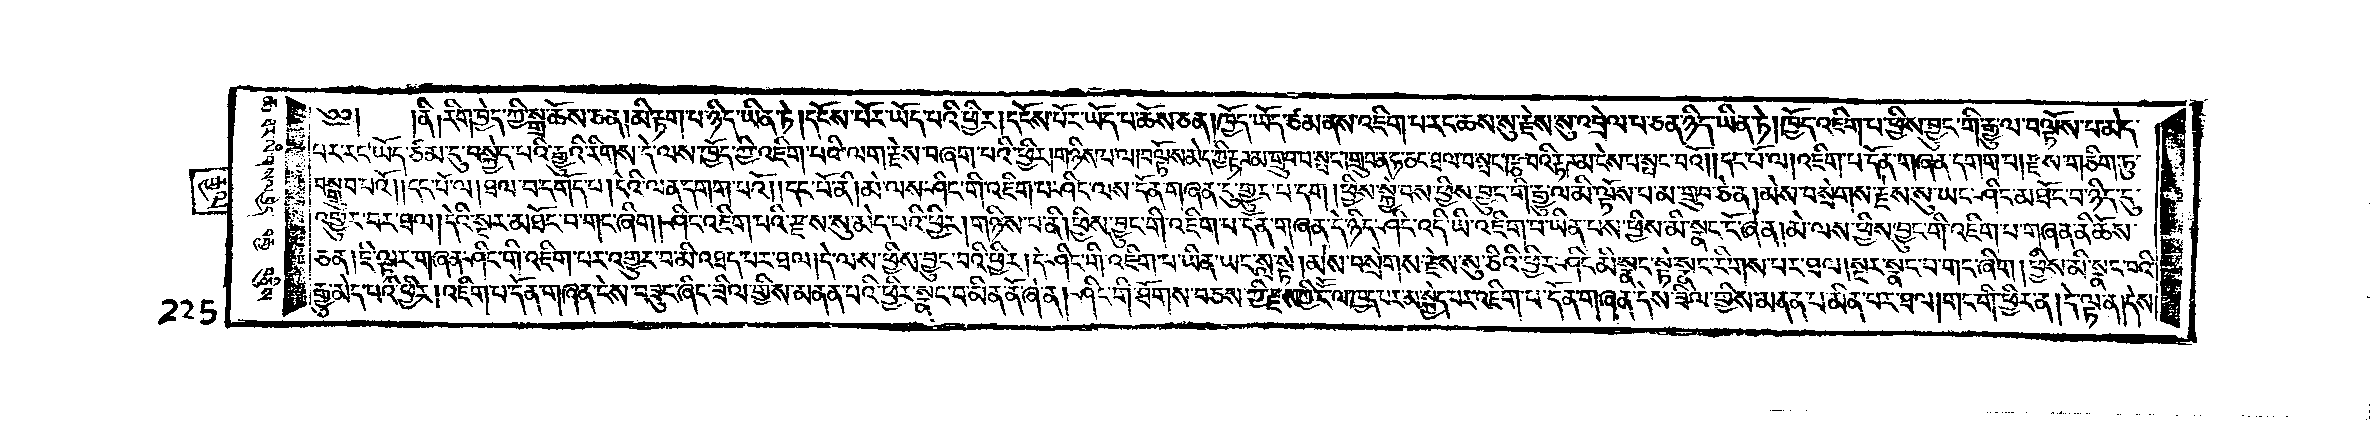༄༅། །ནི། རིག་བྱེད་ཀྱི་སྒྲ་ཆོས་ཅན། མི་རྟག་པ་ཉིད་ཡིན་ཏེ། དངོས་པོར་ཡོད་པའི་ཕྱིར། དངོས་པོར་ཡོད་པ་ཆོས་ཅན། ཁྱོད་ཡོད་ཙམ་ནས་འཇིག་པ་རང་ཆས་སུ་རྗེས་སུ་འབྲེལ་པ་ཅན་ཉིད་ཡིན་ཏེ། ཁྱོད་འཇིག་པ་ཕྱིས་བྱུང་གི་རྒྱུ་ལ་བལྟོས་པ་མེད་
པར་རང་ཡོད་ཙམ་དུ་བསྐྱེད་པའི་རྒྱུའི་རིགས་དེ་ལས་ཁྱོད་ཀྱི་འཇིག་པའི་ལག་རྗེས་བཞག་པའི་ཕྱིར། གཉིས་པ་ལ། བལྟོས་མེད་ཀྱི་རྟཌ་མ་གྲུབ་པ་སྤང་། གྲུབ་ན་ཧ་ཅང་ཐལ་བ་སྤང་། རྩ་བའི་རྟཌ་མ་ངེས་པ་སྤང་བའོ། །དང་པོ་ལ། འཇིག་པ་དོན་གཞན་དགག་པ། རྫས་གཅིག་ཏུ་
བསྒྲུབ་པའོ། །དང་པོ་ལ། ཐལ་བ་དགོད་པ། དེའི་ལན་དགག་པའོ། །དང་པོ་ནི། མེ་ལས་ཤིང་གི་འཇིག་པ་ཤིང་ལས་དོན་གཞན་དུ་གྱུར་པ་དག །ཕྱིས་སྐྱེ་བས་ཕྱིས་བྱུང་གི་རྒྱུ་ལ་མི་ལྟོས་པ་མ་གྲུབ་ཅེ་ན། མེས་བསྲེགས་རྗེས་སུ་ཡང་ཤིང་མཐོང་བ་ཉིད་དུ་
འགྱུར་བར་ཐལ། དེའི་སྔར་མཐོང་བ་གང་ཞིག །ཤིང་འཇིག་པའི་རྫས་སུ་མེད་པའི་ཕྱིར། གཉིས་པ་ནི། ཕྱིས་བྱུང་གི་འཇིག་པ་དོན་གཞན་དེ་ཉིད་ཤིང་འདི་ཡི་འཇིག་པ་ཡིན་པས་ཕྱིས་མི་སྣང་ངོ་ཞེ་ན། མེ་ལས་ཕྱིས་བྱུང་གི་འཇིག་པ་གཞན་ནི་ཆོས་
ཅན། ཇི་ལྟར་གཞན་ཤིང་གི་འཇིག་པར་འགྱུར་བ་མི་འཐད་པར་ཐལ། དེ་ལས་ཕྱིས་བྱུང་བའི་ཕྱིར། དེ་ཤིང་གི་འཇིག་པ་ཡིན་ཡང་སླ་སྟེ། མེས་བསྲེགས་རྗེས་སུ་ཅིའི་ཕྱིར་ཤིང་མི་སྣང་སྟེ་སྣང་རིགས་པར་ཐལ། སྔར་སྣང་བ་གང་ཞིག །ཕྱིས་མི་སྣང་བའི་
རྒྱུ་མེད་པའི་ཕྱིར། འཇིག་པ་དོན་གཞན་ངེས་བཟུང་ཞིང་ཟིལ་གྱིས་མནན་པའི་ཕྱིར་སྣང་བ་མིན་ནོ་ཞེ་ན། ཤིང་གི་ཐོགས་བཅས་ཀྱི་རྫས་ཀྱི་ངཽ་ལ་ཁྱད་པར་མ་སྐྱེད་པར་འཇིག་པ་དོན་གཞན་དེས་ཟིལ་གྱིས་མནན་པ་མིན་པར་ཐལ། གང་གི་ཕྱིར་ན། དེ་ལྟ་ན། དེས་